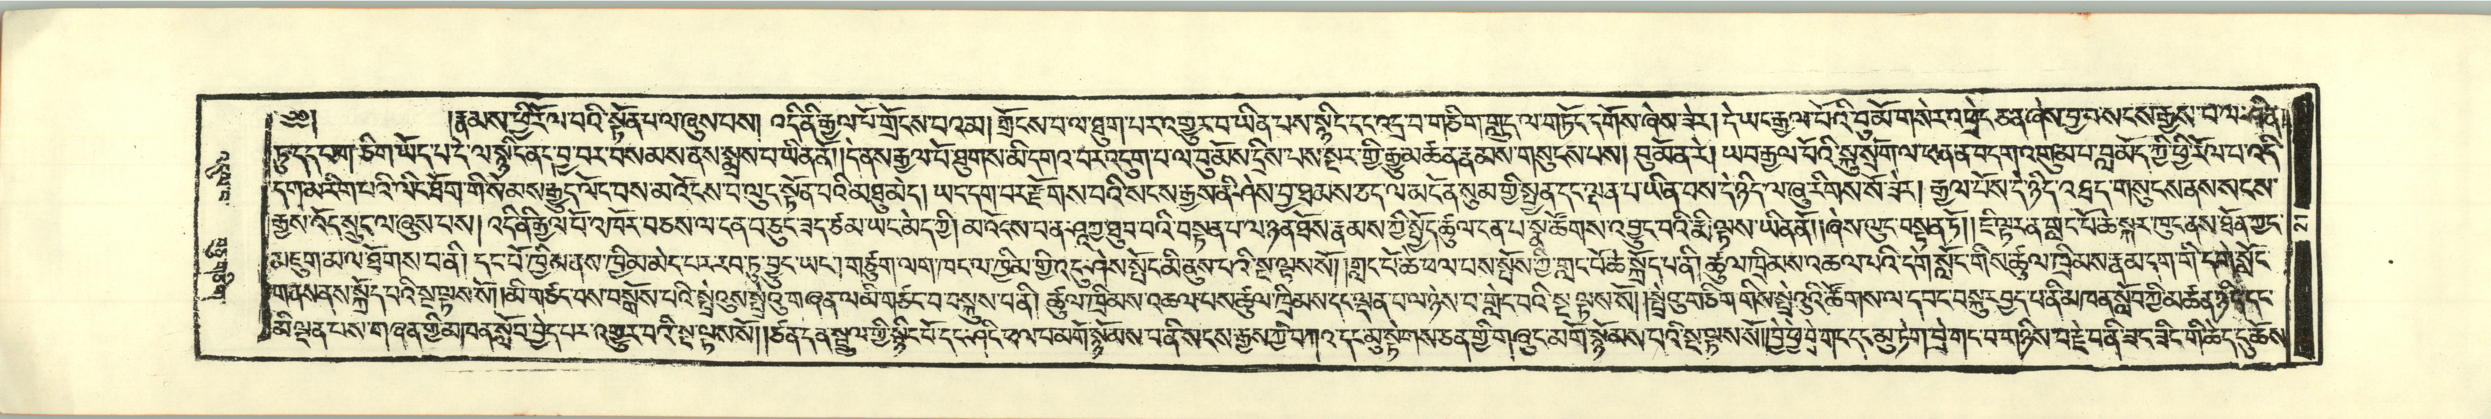༄༅། །རྣམས་ཕྱི་རོལ་བའི་སྟོན་པ་ལ་ཞུས་པས། འདི་ནི་རྒྱལ་པོ་གྲོངས་པའམ། གྲོངས་པ་ལ་ཐུག་པར་འགྱུར་བ་ཡིན་པས་སྙིང་དང་འདྲ་བ་གཅིག་གླུད་ལ་གཏོང་དགོས་ཞེས་ཟེར། དེ་ཡང་རྒྱལ་པོའི་བུ་མོ་གསེར་འཕྲེང་ཅན་ཞེས་བྱ་བ་སངས་རྒྱས་བ་ལ་ཤིན།
ཏུ་དད་པ་གཅིག་ཡོད་པ་དེ་ལ་སྙིང་ནད་བྱ་བར་བསམས་ནས་སྨྲས་པ་ཡིན་ནོ། །དེ་ནས་རྒྱལ་པོ་ཐུགས་མི་དགའ་བར་འདུག་པ་ལ་བུ་མོས་དྲིས་པས་སྔར་གྱི་རྒྱུ་མཚན་རྣམས་གསུངས་པས། བུ་མོ་ན་རེ། ཡབ་རྒྱལ་པོའི་སྐུ་སྲོག་ལ་ཕན་ན་བདག་འགུ་མ་པ་བླ་མོད་ཀྱི་ཕྱི་རོལ་པ་འདི་
དག་མ་རིག་པའི་ལིང་ཐོག་གི་སེམས་རྒྱུད་ལོང་བས་མ་འོངས་པ་ལུང་སྟོན་པའི་མཐུ་མེད། ཡང་དག་པར་རྫོགས་པའི་སངས་རྒྱས་ནི་ཤེས་བྱ་ཐམས་ཅད་ལ་མངོན་སུམ་གྱི་སྤྱན་དང་ལྡན་པ་ཡིན་པས་དེ་ཉིད་ལ་ཞུ་རིགས་སོ་ཟེར། རྒྱལ་པོས་དེ་ཉིད་འཐད་གསུངས་ནས་སངས་
རྒྱས་འོད་སྲུང་ལ་ཞུས་པས། འདི་ནི་རྒྱལ་པོ་འཁོར་བཅས་ལ་ངན་པ་ཅུང་ཟད་ཙམ་ཡང་མེད་ཀྱི། མ་འོངས་པ་ན་ཤཱཀྱ་ཐུབ་པའི་བསྟན་པ་ལ་ཉན་ཐོས་རྣམས་ཀྱི་སྤྱོད་ཚུལ་ངན་པ་སྣ་ཚོགས་འབྱུང་བའི་རྨི་ལྟས་ཡིན་ནོ། །ཞེས་ལུང་བསྟན་ཏོ། །ཇི་ལྟར་ན་གླང་པོ་ཆེ་སྐར་ཁུང་ནས་ཐོན་ཀྱང་
མཇུག་མ་ལ་ཐོགས་བ་ནི། དང་པོ་ཁྱིམ་ནས་ཁྱིམ་མེད་པར་རབ་ཏུ་བྱུང་ཡང་། གཙུག་ལག་ཁང་ལ་ཁྱིམ་གྱི་འདུ་ཤེས་སྤོང་མི་ནུས་པའི་སྔ་ལྟས་སོ། །གླང་པོ་ཆེ་ཕལ་པས་སྤོས་ཀྱི་གླང་པོ་ཆེ་སྐྲོད་པ་ནི། ཚུལ་ཁྲིམས་འཆལ་པའི་དགེ་སློང་གིས་ཚུལ་ཁྲིམས་རྣམ་དག་གི་དགེ་སློང་
གནས་ནས་སྐྲོད་པའི་སྔ་ལྟས་སོ། །མི་གཙང་བས་བསྒོས་པའི་སྤྲེའུས་སྤྲེའུ་གཞན་ལ་མི་གཙང་བ་བསྐུས་པ་ནི། ཚུལ་ཁྲིམས་འཆལ་པས་ཚུལ་ཁྲིམས་དང་ལྡན་པ་ལ་ཉེས་བ་གླེང་བའི་སྔ་ལྟས་སོ། །སྤྲེའུ་གཅིག་གིས་སྤྲེའུའི་ཚོགས་ལ་དབང་བསྐུར་བྱད་པ་ནི་མཁན་སློབ་ཀྱི་མཚན་ཉིད་དང་
མི་ལྡན་པས་གཞན་གྱི་མཁན་སློབ་བྱེད་པར་འགྱུར་བའི་སྔ་ལྟས་སོ། །ཙན་དན་སྤྲུལ་གྱི་སྙིང་པོ་དང་ཤིང་ཕལ་པ་མགོ་སྙོམས་པ་ནི་སངས་རྒྱས་ཀྱི་བཀའ་དང་མུ་སྟེགས་ཅན་གྱི་གཞུང་མགོ་སྙོམས་པའི་སྔ་ལྟས་སོ། །བྱེ་ཕྱེ་བྲེ་གང་དང་མུ་ཏེག་བྲེ་གང་བ་གཉིས་བརྗེ་བ་ནི་ཟང་ཟིང་གི་ཆེད་དུ་ཆོས་